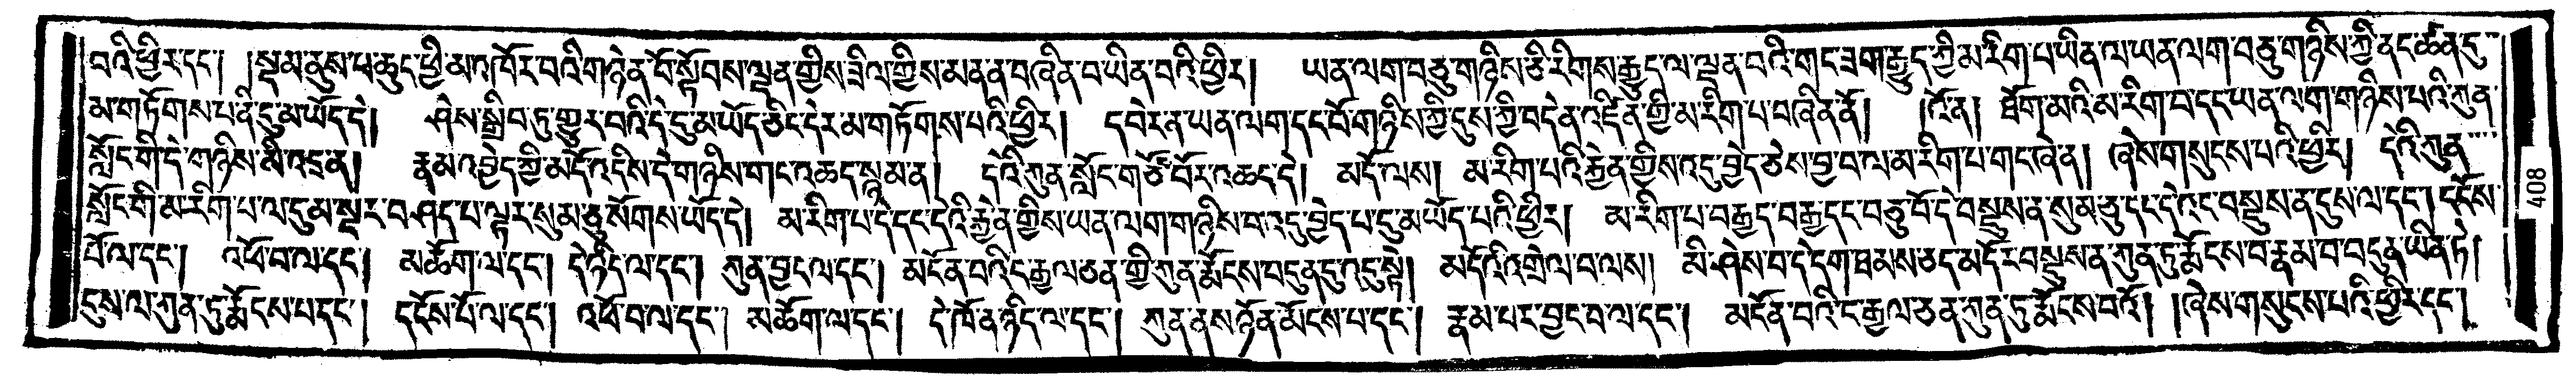བའི་ཕྱིར་དང་། །སྔ་མ་ནུས་པ་ཆུང་ཕྱི་མ་འཁོར་བའི་གཉེན་པོ་སྟོབས་ལྡན་གྱིས་ཟིལ་གྱིས་མན་ན་བཞིན་པ་ཡིན་པའི་ཕྱིར། ཡན་ལག་བཅུ་གཉིས་ཅི་རིགས་རྒྱུད་ལ་ལྡན་པའི་གང་ཟག་རྒྱུད་ཀྱི་མ་རིག་པ་ཡིན་ལ་ཡན་ལག་བཅུ་གཉིས་ཀྱི་ནང་ཚན་དུ་
མ་གཏོགས་པ་ནི་དུ་མ་ཡོད་དེ། ཤེས་སྒྲིབ་ཏུ་གྱུར་བའི་དེ་དུ་མ་ཡོད་ཅིང་དེར་མ་གཏོགས་པའི་ཕྱིར། དཔེར་ན་ཡན་ལག་དང་པོ་གཉིས་ཀྱི་དུས་ཀྱི་བདེན་འཛིན་གྱི་མ་རིག་པ་བཞིན་ནོ། །འོ་ན། ཐོག་མའི་མ་རིག་པ་དང་ཡན་ལག་གཉིས་པའི་ཀུན་
སློང་གི་དེ་གཉིས་མི་འདྲ་ན། རྣམ་འབྱེད་ཀྱི་མདོ་འདིས་དེ་གཉིས་གང་འཆད་སྙམ་ན། དེའི་ཀུན་སློང་གཙོ་བོར་འཆད་དེ། མདོ་ལས། མ་རིག་པའི་རྐྱེན་གྱིས་འདུ་བྱེད་ཅེས་བྱ་བ་ལ་མ་རིག་པ་གང་ཞེ་ན། ཞེས་གསུངས་པའི་ཕྱིར། དེའི་ཀུན་
སློང་གི་མ་རིག་པ་ལ་དུ་མ་སྔར་བཤད་པ་ལྟར་སུམ་ཅུ་སོགས་ཡོད་དེ། མ་རིག་པ་དེ་དང་དེའི་རྐྱེན་གྱིས་ཡན་ལག་གཉིས་པ་འདུ་བྱེད་པ་དུ་མ་ཡོད་པའི་ཕྱིར། མ་རིག་པ་བརྒྱད་བརྒྱ་དང་བཅུ་པོ་དེ་བསྡུས་ན་སུམ་ཅུ་དང་དེའང་བསྡུས་ན་དུས་ལ་དང་། དངོས་
པོ་ལ་དང་། འཕོ་བ་ལ་དང་། མཆོག་ལ་དང་། དེ་ཉིད་ལ་དང་། ཀུན་བྱང་ལ་དང་། མངོན་པའི་ང་རྒྱལ་ཅན་གྱི་ཀུན་རྨོངས་བདུན་དུ་འདུ་སྟེ། མདོའི་འགྲེལ་བ་ལས། མི་ཤེས་པ་དེ་དག་ཐམས་ཅད་མདོར་བསྡུས་ན་ཀུན་ཏུ་རྨོངས་པ་རྣམ་པ་བདུན་ཡིན་ཏེ།
དུས་ལ་ཀུན་ཏུ་རྨོངས་པ་དང་། དངོས་པོ་ལ་དང་། འཕོ་བ་ལ་དང་། མཆོག་ལ་དང་། དེ་ཁོ་ན་ཉིད་ལ་དང་། ཀུན་ནས་ཉོན་མོངས་པ་དང་། རྣམ་པར་བྱང་བ་ལ་དང་། མངོན་པའི་ང་རྒྱལ་ཅན་ཀུན་ཏུ་རྨོངས་པའོ། །ཞེས་གསུངས་པའི་ཕྱིར་དང་།